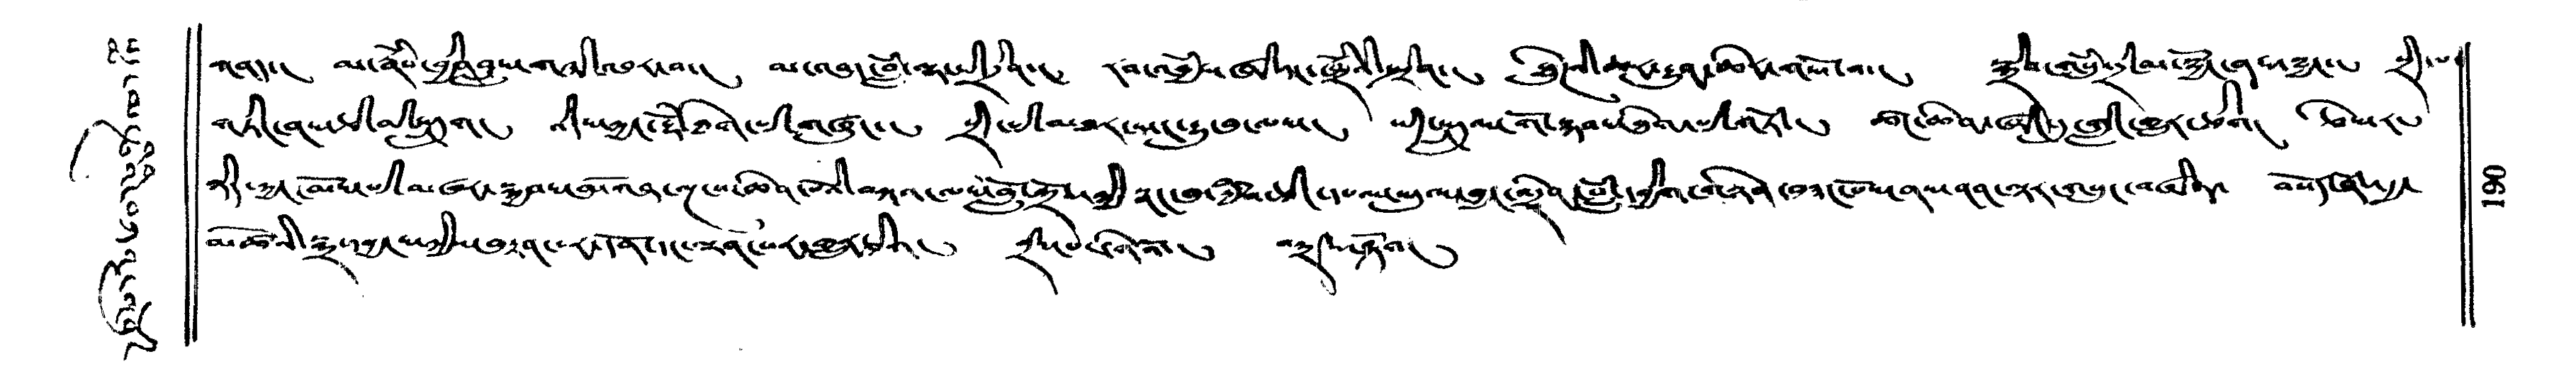གནད། །མ་ཉམས་བྱིན་རླབས་གཟི་འབར་བ། །མ་འབད་བླ་མ་ལྷ་ཡི་དྲིན། །རབ་འབྱམས་ཞི་དང་ཁྲོ་བོའི་སྤྲིན། །ཐུགས་རྗེའི་ཆར་རྒྱུན་ཆེར་གཡོ་བ། །སྒྲིབ་གསུམ་དྲི་མ་སྦྱངས་ནས་ཀྱང་། སྲིད་པ་
གཏིང་ནས་ཅིས་མི་སྤྲུག །འདིས་ཀྱང་རྡོ་རྗེ་ཐེག་པའི་གཞུང་། །སྲིད་པའི་མཐར་ཡང་རྒྱུ་བ་ལས། །ཡིད་སྤྲུལ་གོ་སྐབས་ཐེག་པའི་གཏམ། །ཚངས་ཆེན་ཞིང་དུ་གླེང་གྱུར་ཅིག །ཅེས་རང་
ཉིད་ཀྱང་མོས་པའི་ཁར་སྐྱབས་མགོན་ལྔ་པ་ཆེན་པོའི་བཀའ་ལས་བློ་གྲོས་ཀྱི་སྣང་བ་ཐོབ་ཅིང་དཔལ་ཡུལ་བྱང་འདྲེན་བླ་མ་དབྱིག་གཉེན་བཟང་པོ་ནས་ནན་ཏན་དུ་བསྐུལ་བ་ལ་བརྟེན་ནས་བསོད་ནམས་རྒྱ་
མཚོའི་སྒྲ་དབྱངས་ཀྱིས་སྤེལ་བ་དོན་དང་ལྡན་པར་གྱུར་ཅིག དགེའོ།།